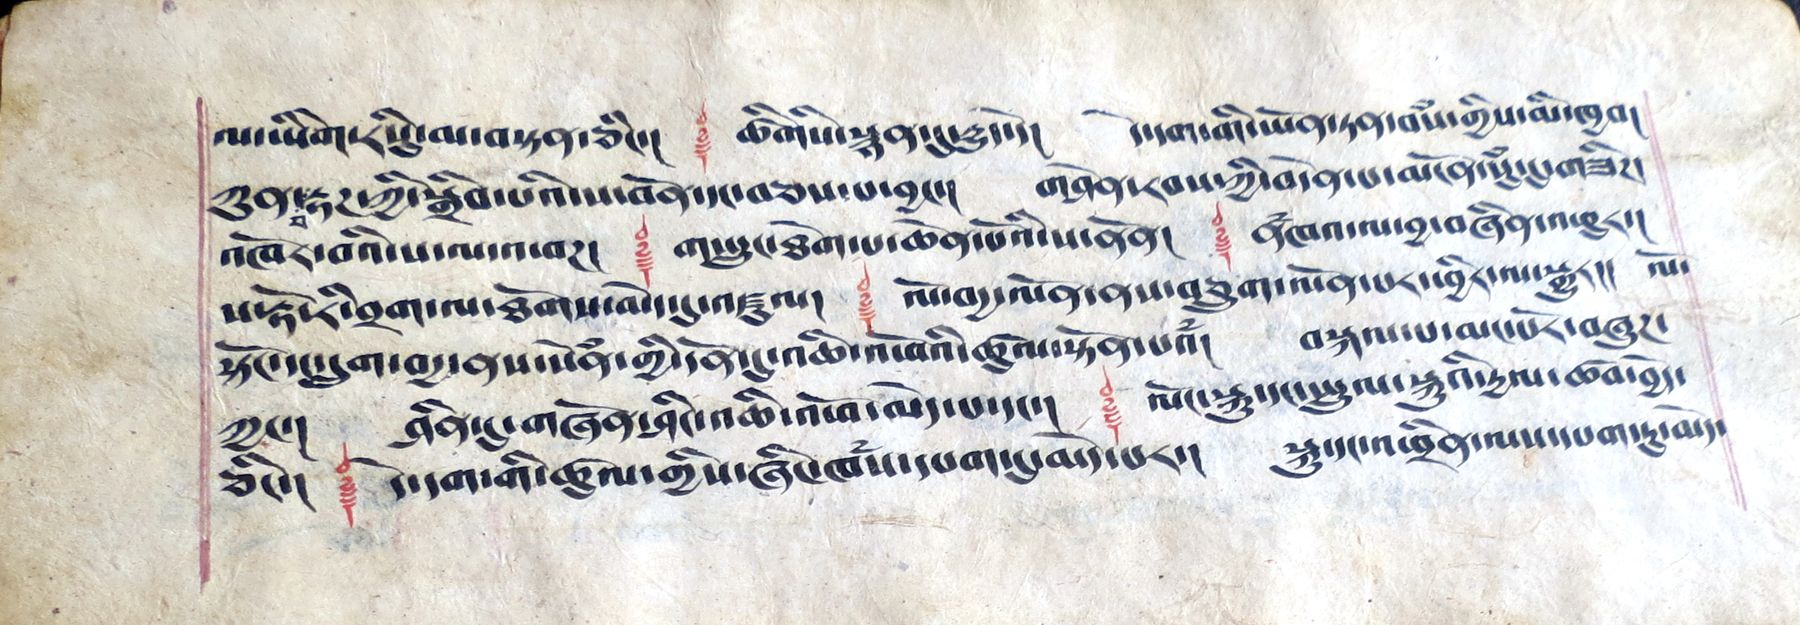ལ་ཡི་གེ་རིས་སུ་མ་བསྟན་ཤིང་། ཚིག་གིས་སྙན་དུ་བརྒྱུད་དེ། དེ་དག་གི་ཡོན་ཏན་བསམ་གྱིས་མི་ཁྱབ། 
ཀུན་བརྟགས་ཀྱི་སྒྲིབ་པའི་ས་བོན་དང་བཅས་པ་བྱང་། ཤེས་རབ་ཀྱིས་བདེན་པ་མངོན་སུམ་དུ་གཟིགས། 
འཁོར་བའི་ས་ལས་འཕགས། གཡུང་དྲུང་ཐེག་པའི་ས་ནོན། ནམ་མཁའ་ལ་བྱ་བཞིན་འཕུར། 
ཆུ་ལ་ཉ་བཞིན་འཕྱོ། ས་རྡོ་རི་བྲག་ལ་ཐོགས་མེད་དུ་འཛུལ། ལོ་བརྒྱ་ལོན་ནས་བཅུ་དྲུག་ལོན་པར་ཕྱིར་ལ་སྒྱུར། ལོ་
སྟོང་དང་དྲུག་བརྒྱ་ནས་སེམས་ཅན་གྱི་དོན་དུ་འཆི་འཕོའི་ཚུལ་སྟོན་པ་འམ། བསྐལ་པ་མང་པོར་བཞུགས་
ཀྱང་། ཤིན་ཏུ་གཞོན་ཞིང་འཆི་འཕོ་མེད་པ་དང་། ལོངས་སྐུ་དང་སྤྲུལ་སྐུའི་རྒྱལ་ཚབ་བྱེད་
ཅིང་དེ་དག་གི་ཚུལ་གྱིས་ཞིང་ཁམས་དཔག་ཏུ་མེད་པར། སྐུ་དང་འཕྲིན་ལས་དཔག་ཏུ་མེད་